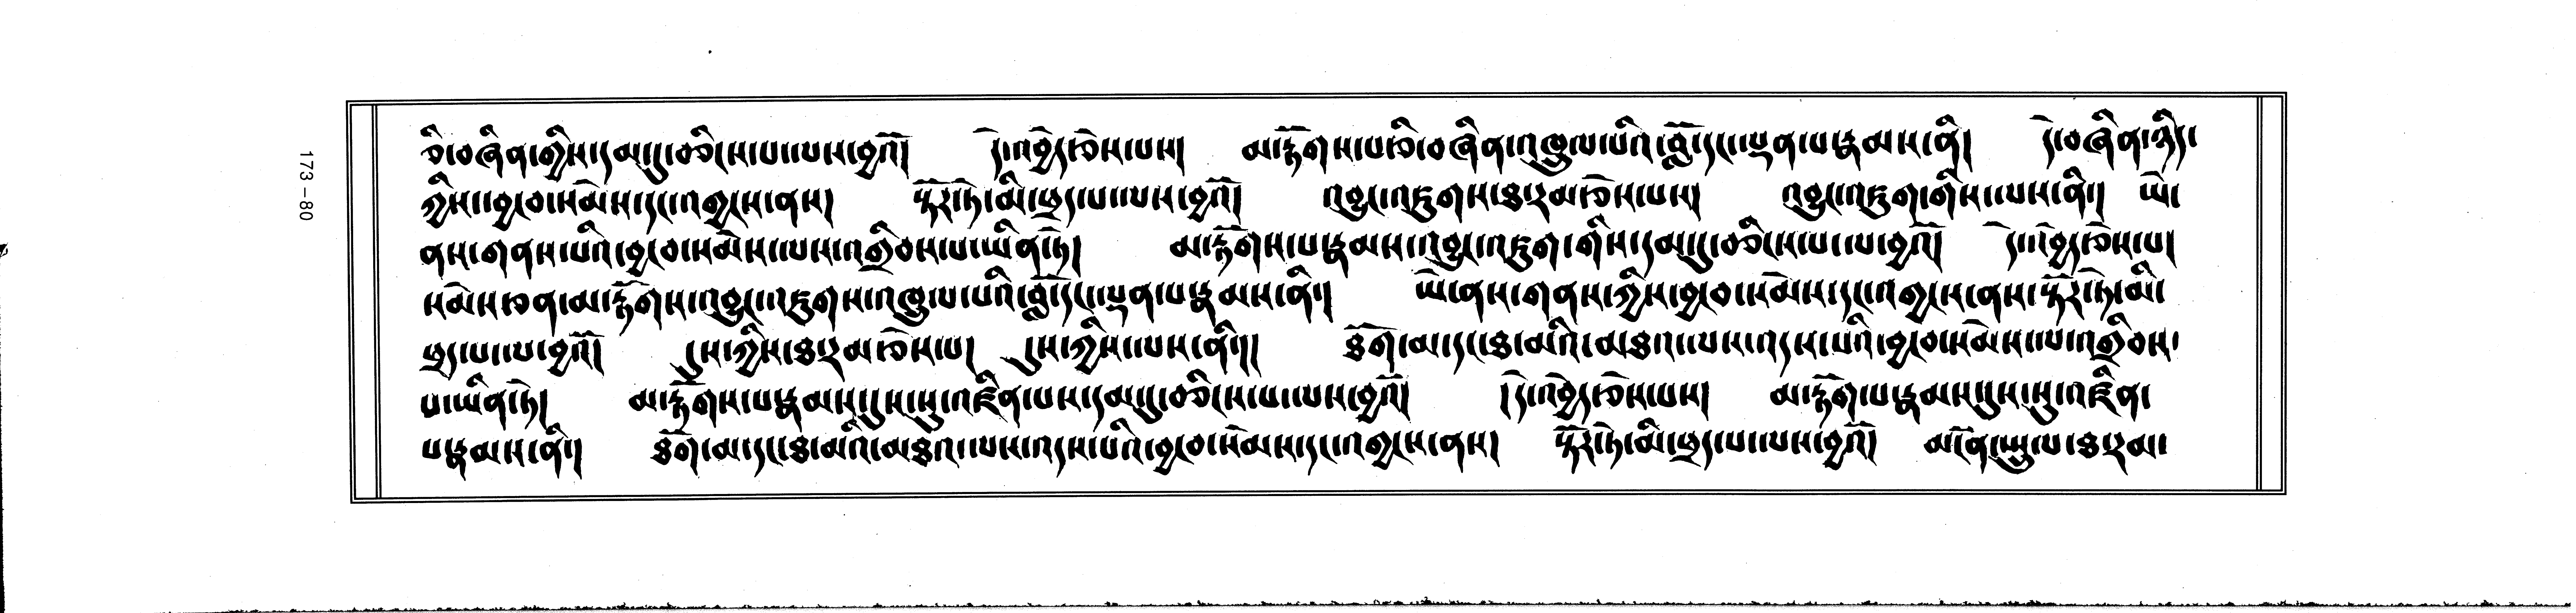ཅི་བཞིན་གྱིས་དམ་དུ་བཅིངས་པ་ལ་བྱའོ། །དེ་འབྱེད་ཅེས་པས། མ་རྟོགས་པ་ཅི་བཞིན་འཁྲུལ་པའི་བློ་དང་ལྡན་པ་རྣམས་ནི། དེ་བཞིན་ཉིད།
ཀྱིས་བྱ་བ་སེམས་དང་འགྱགས་ནས་ སྟོར་ཏེ་མི་ཕྲད་པས་བྱའོ་ འབྱུང་འཇུས་ཐ་རམ་རྩེས་པས་ འབྱུུང་འཇུག་གིས་ལས་ན་ ཡེ་
ནས་གནས་པའི་བྱང་ཆུབ་སེམས་ལ་འགྲིབ་པ་ཡིན་ཏེ། མ་རྟོགས་པ་རྣམས་འབྱུང་འཇུག་གི་ལྟ་བས་དམ་དུ་བཅིངས་པ་ལ་བྱའོ། དེ་འབྱེད་འཕྲུལ་གྱི་ཅེས་པས། 
སེམས་ཅན་མ་རྟོགས་པ་འཁྲུལ་པའི་བློ་དང་ལྡན་པ་རྣམས་ནི། གཉིས་སུ་མེད་པའི་དོན་བྱང་ཆུབ་སེམས་དང་འགྱངས་ནས་སྟོར་ཏེ་མི་
འཕྲད་པ་ལ་བྱའོ། །དུས་ཀྱི་ཐ་རམ་ཅེས་པ། དུས་ཀྱི་ལས་ནི། ཐོག་མ་དང་ཐ་མའི་མཐའ་ལས་འདས་པའི་བྱང་ཆུབ་སེམས་ལ་འགྲིབས་
པ་ཡིན་ཏེ། མ་རྟོགས་པ་རྣམས་དུས་སུ་འཛིན་དུས་སུ་འཛིན་པ་རམ་དུ་བཅིངས་པ་ལས་བྱའོ་ དེར་འབྱེད་ཙེས་པས་ མ་རྟོག་པ་རྣམས་དུས་སུ་འཛིན་
པ་རྣམས་ནི། ཐོིག་མ་དང་ཐ་མའི་མཐའ་ལས་འདས་པའི་བྱང་ཆུབ་སེམས་དང་འགྱངས་ནས། སྟོར་ཏེ་མི་འཕྲད་པ་ལ་བྱའོ། །མངོན་སྤྲུལ་ཐ་རམ་